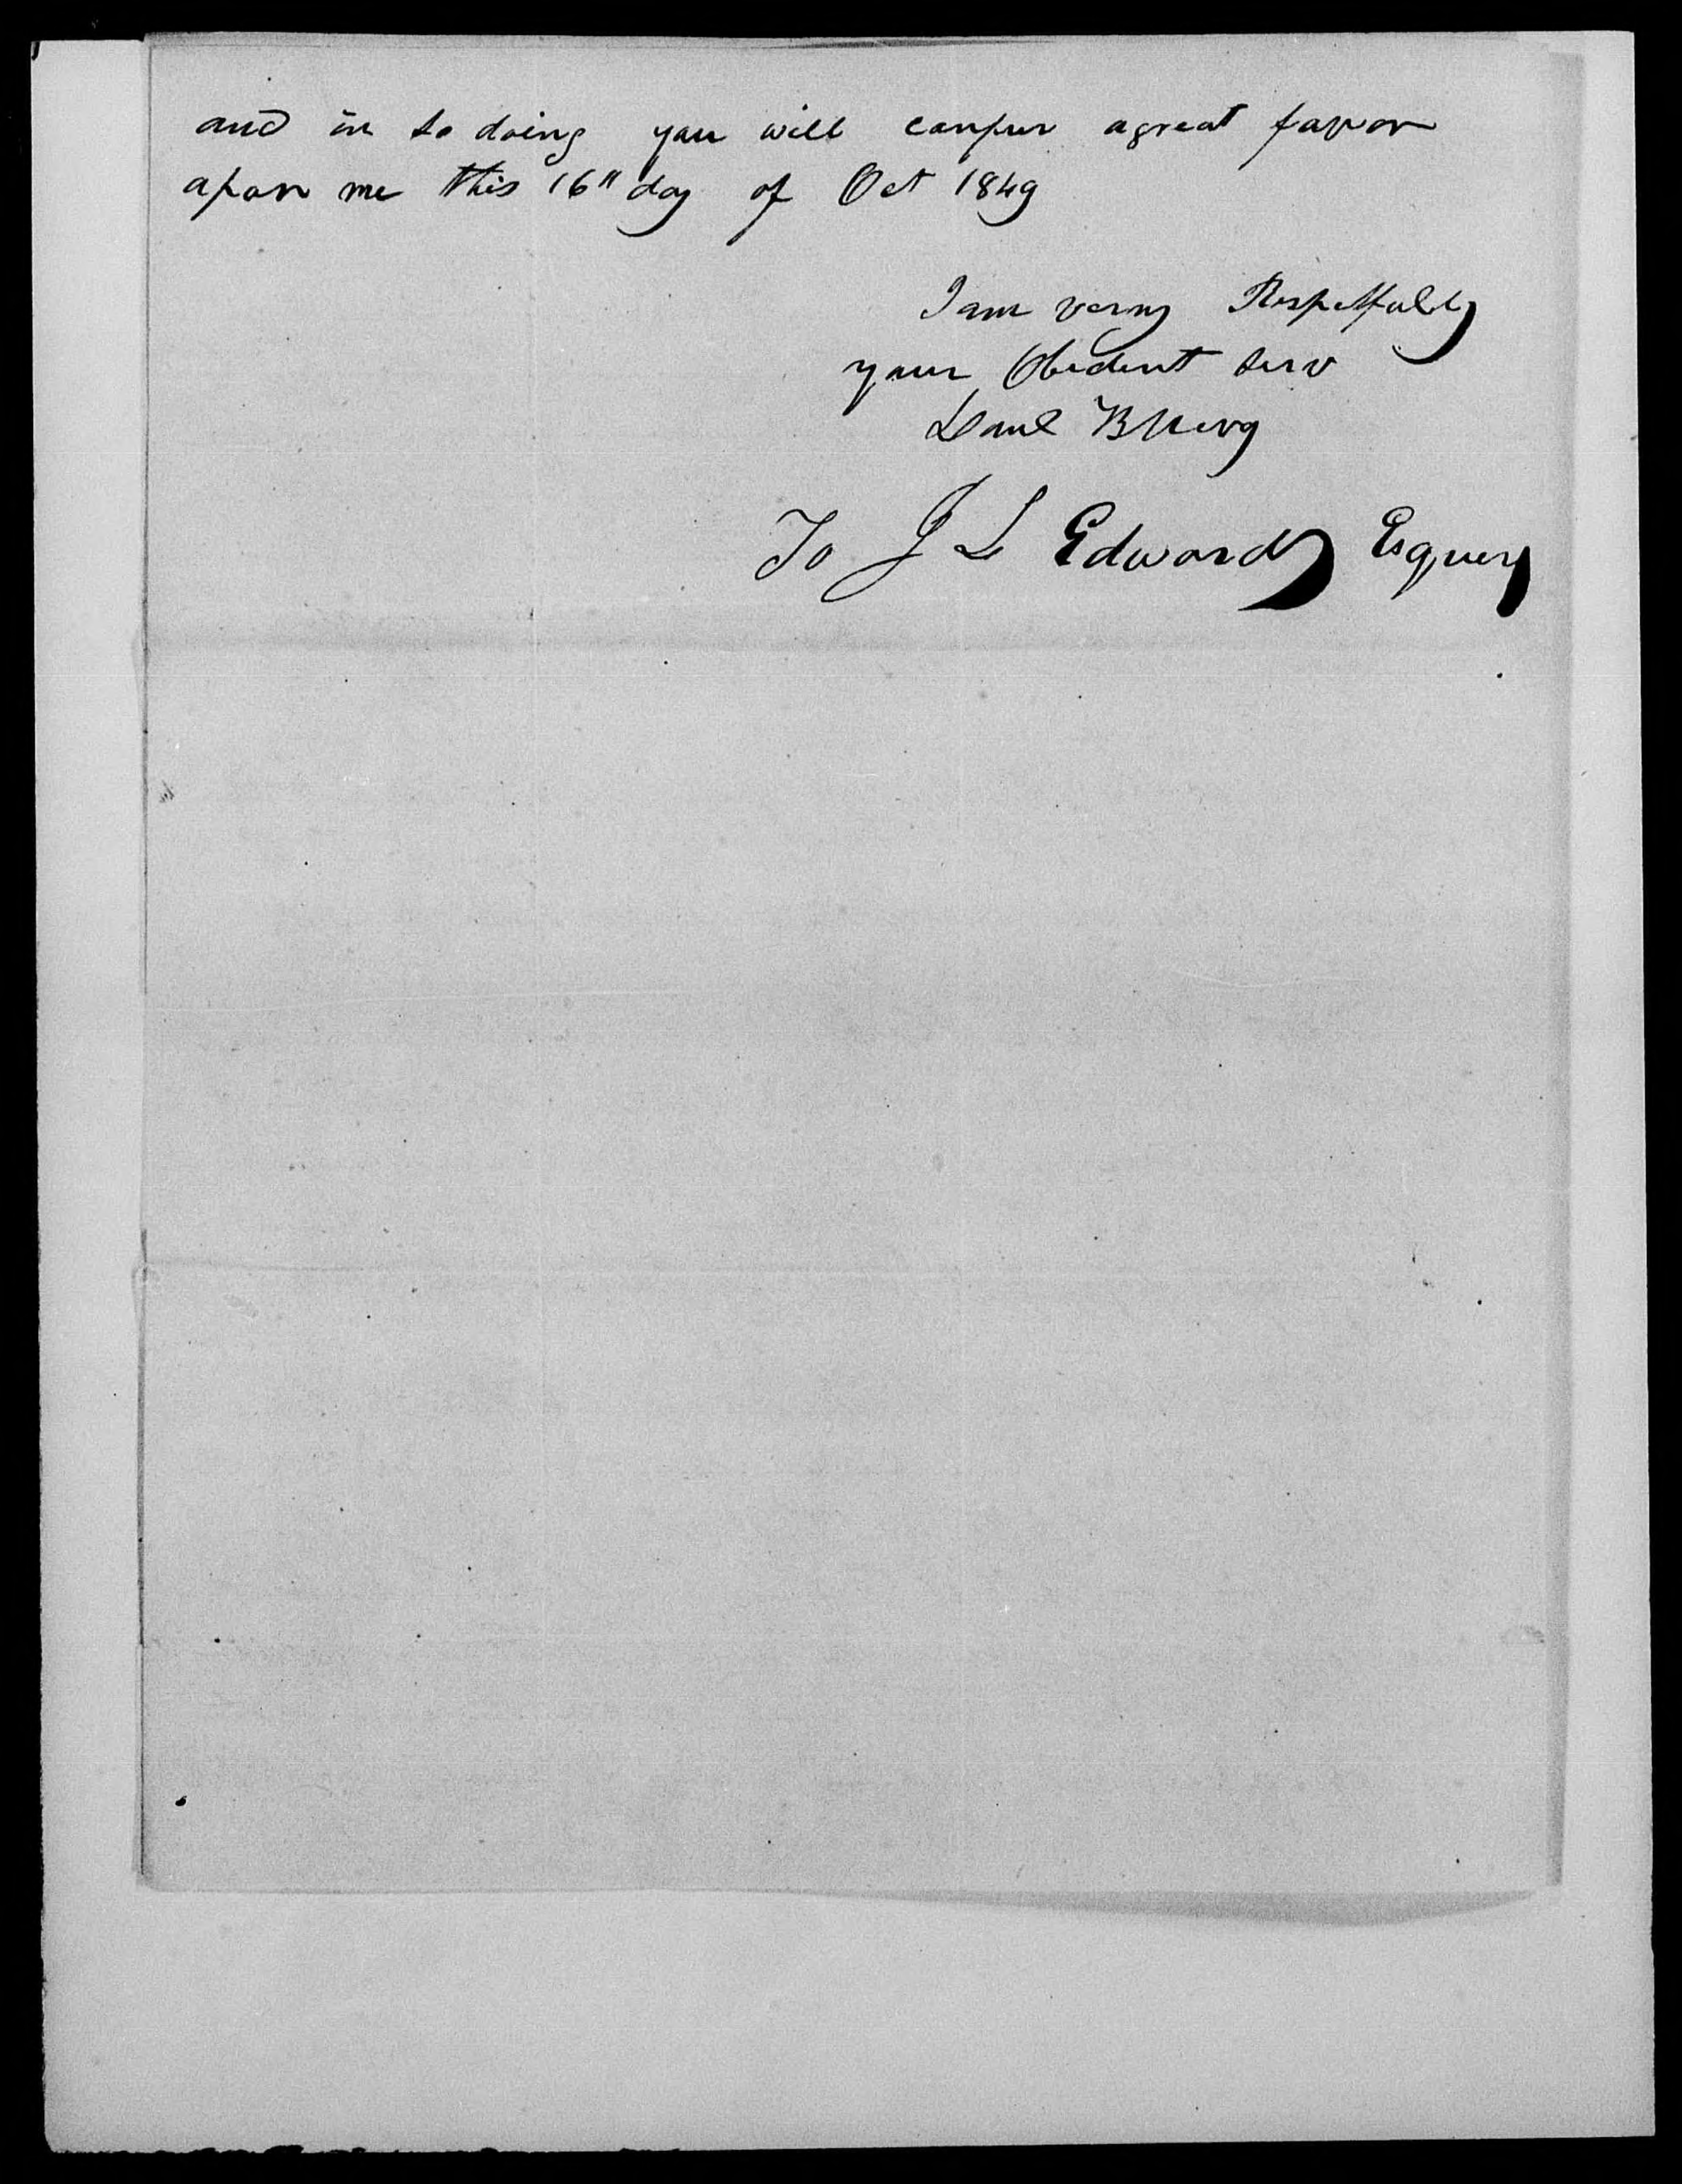and in so doing you will confer a great favor upon me this 16th day of Oct 1849

I am very Respectfully
your obedient serv
Danl B McVay

To J L Edwards Esquire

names: Danl B Mc Vay, J L Edwards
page: 18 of 81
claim: survivor's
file: S. 1908, Richard Harper, N.C.